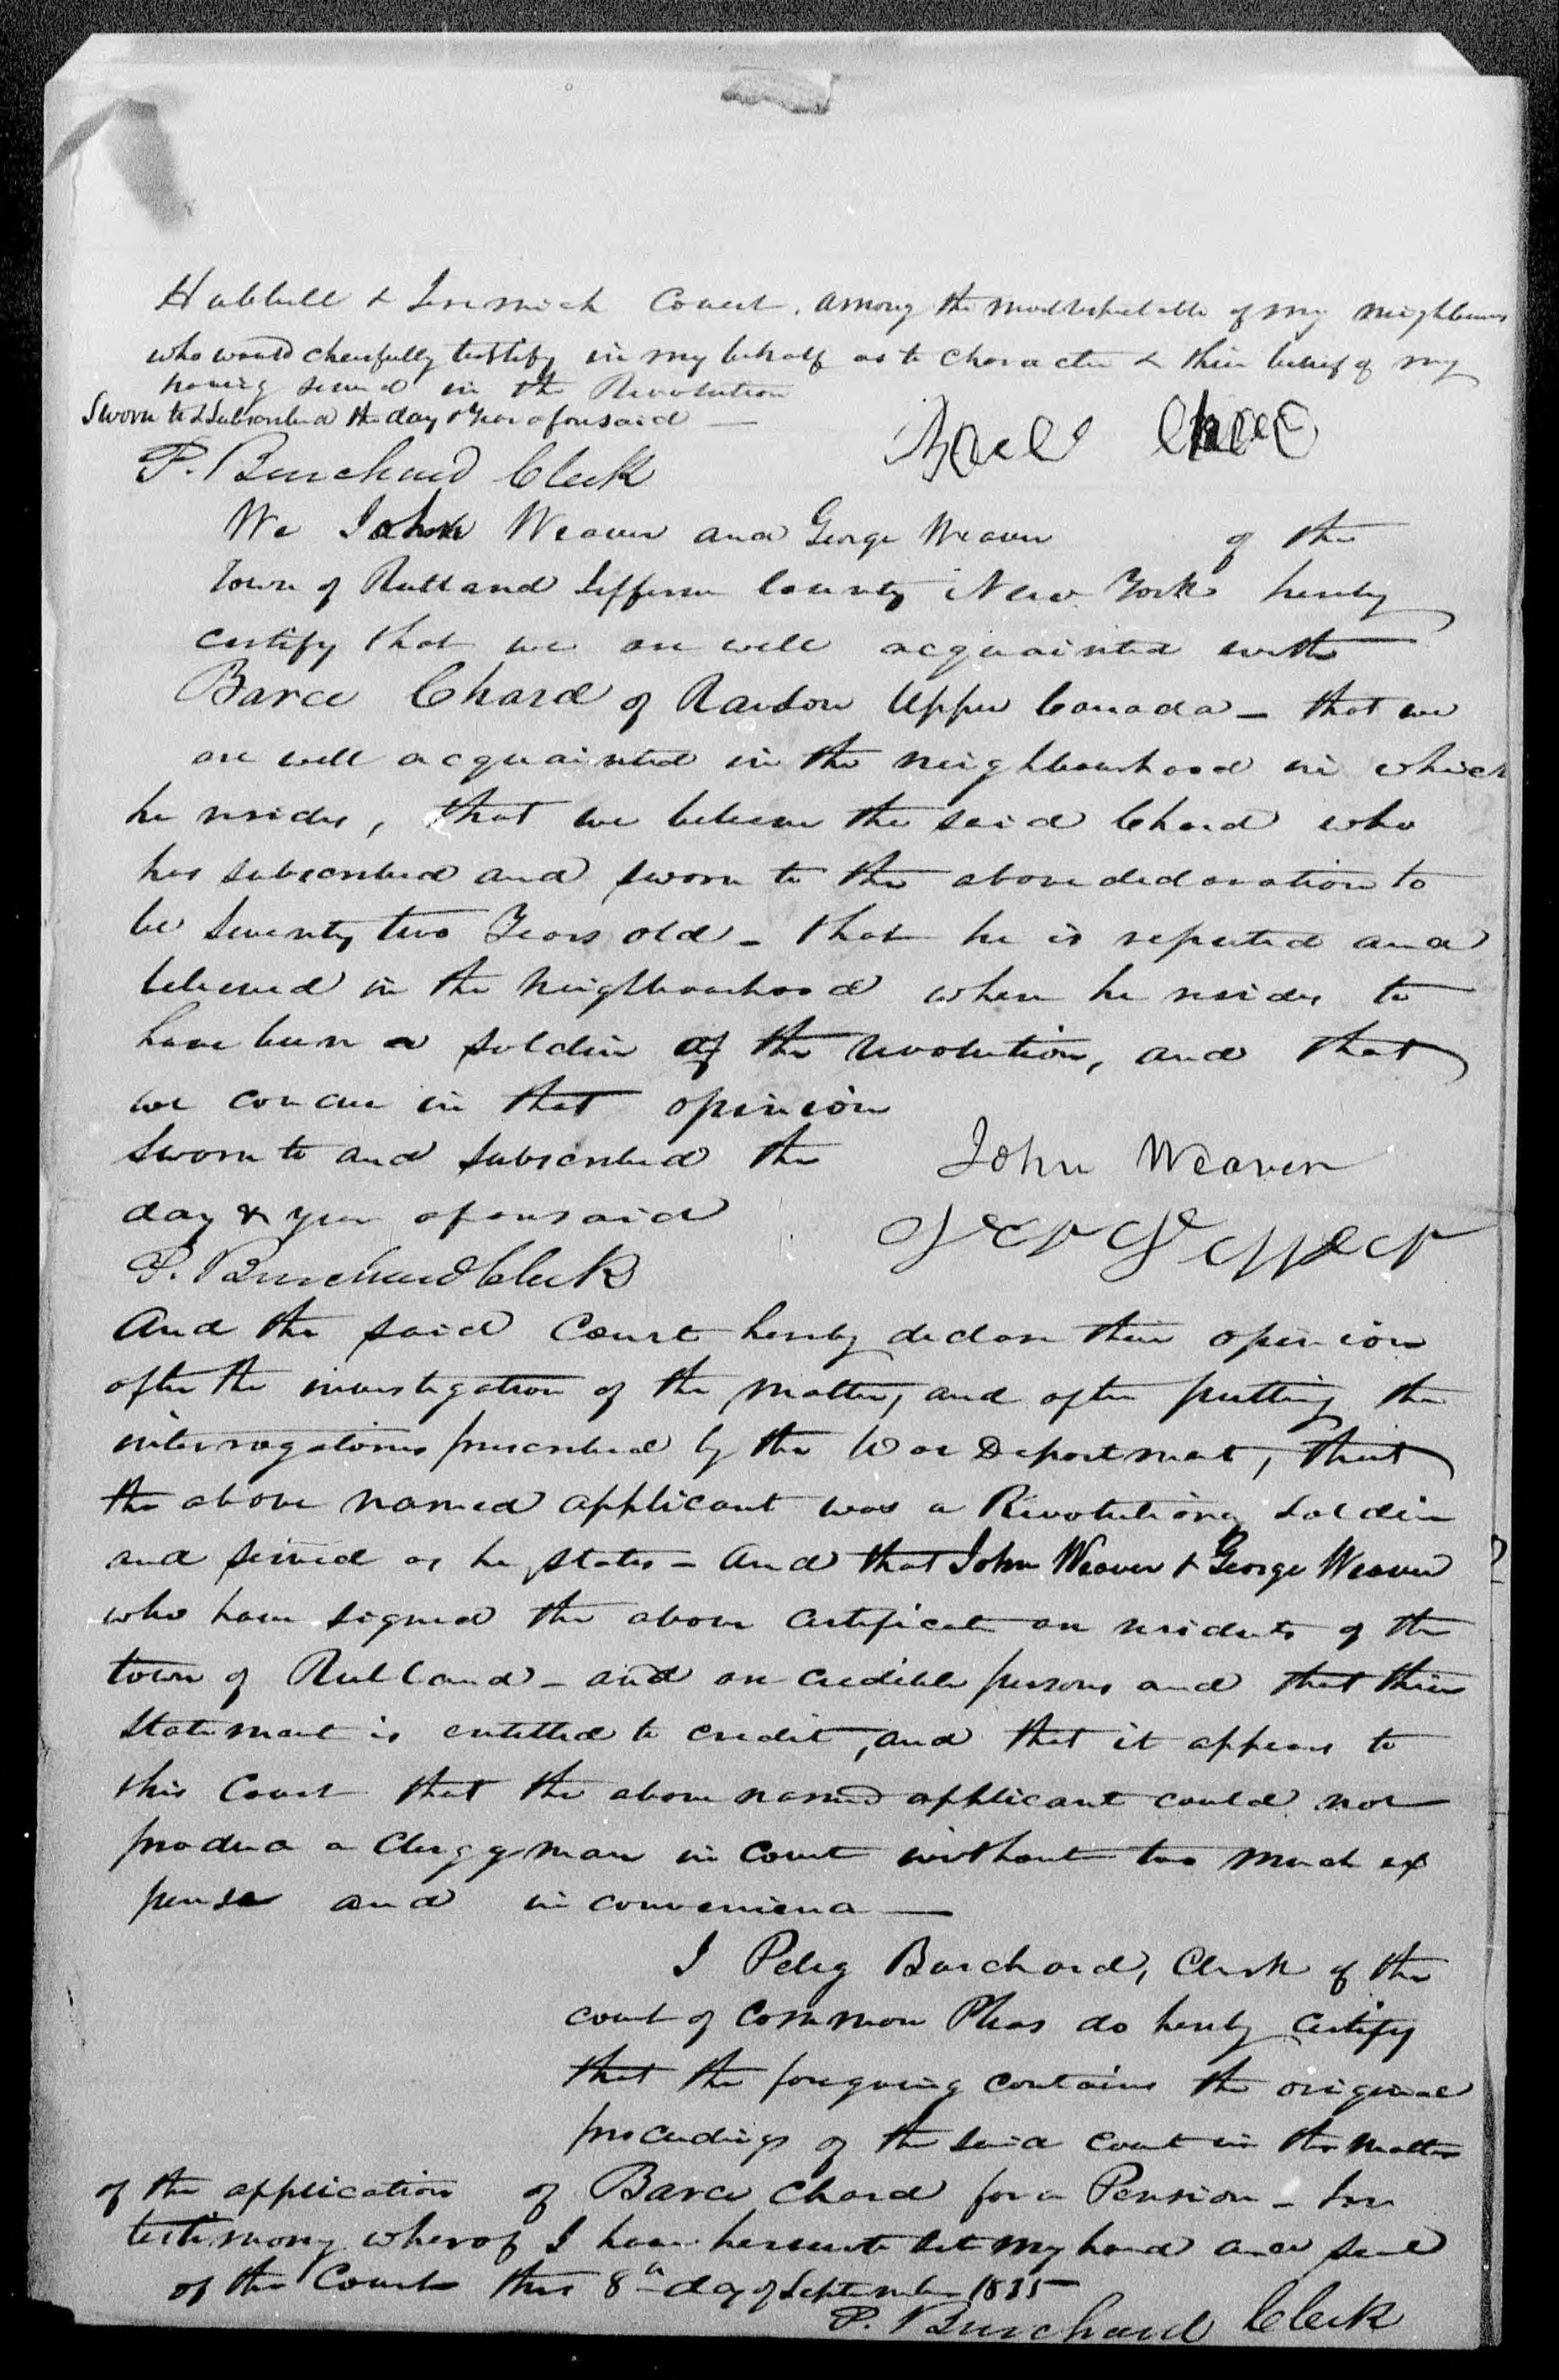Hubbell & Jeremiah Covert among the most respectable of my neighbors who would cheerfully testify in my behalf as to character & their belief of my having served in the Revolution 
[Signed] Barce Chard
Sworn to Subscribed the day & year aforesaid - 
[Signed] P. Burchard Clerk 

We John Weaver and George Weaver of the Town of Rutland Jefferson County New York hereby certify that we are well acquainted with Barce Chard of Rawdon Upper Canada - that we are well acquainted in the neighbourhood in which he resides, that we believe the said Chard who has subscribed and sworn to the above declaration to be Seventy two Years old - that he is reputed and believed in the neighbourhood where he resides to have been a Soldier of the Revolution, and that we concur in that opinion 
[Signed] John Weaver
[Signed] George Weaver

Sworn to and subscribed the day & year aforesaid 
[Signed] P. Burchard Clerk 

And the said Court hereby declare their opinion after the investigation of the matter and after putting the interrogatories prescribed by the War Department, that the above named applicant was a Revolutionary Soldier and served as he states - And that John Weaver & George Weaver who have signed the above certificate are residents of the town of Rutland - and are credible persons and that their statement is entitled to credit and that it appears to this Court that the above named applicant could not produce a clergyman in Court without too much expense and inconvenience 
I Peleg Burchard, Clerk of the Court of Common Pleas do hereby certify that the foregoing contains the original proceedings of the said Court in the matter of the application of  Barce Chard for a Pension - In testimony whereof I have hereunto set my hand and seal of the Court this 8th day of September 1835
[Signed] P. Burchard Clerk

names: P Burchard, Hubbell, P Burchard, Jeremiah Covert, George Weaver, George Weaver, John Weaver, Barce Chard, John Weaver, George Weaver, P Burchard, Peleg Burchard, Barce Chard, John Weaver, Barce Chard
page: 8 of 47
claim: widow's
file: W. 10,602, Barce Chard, New York.